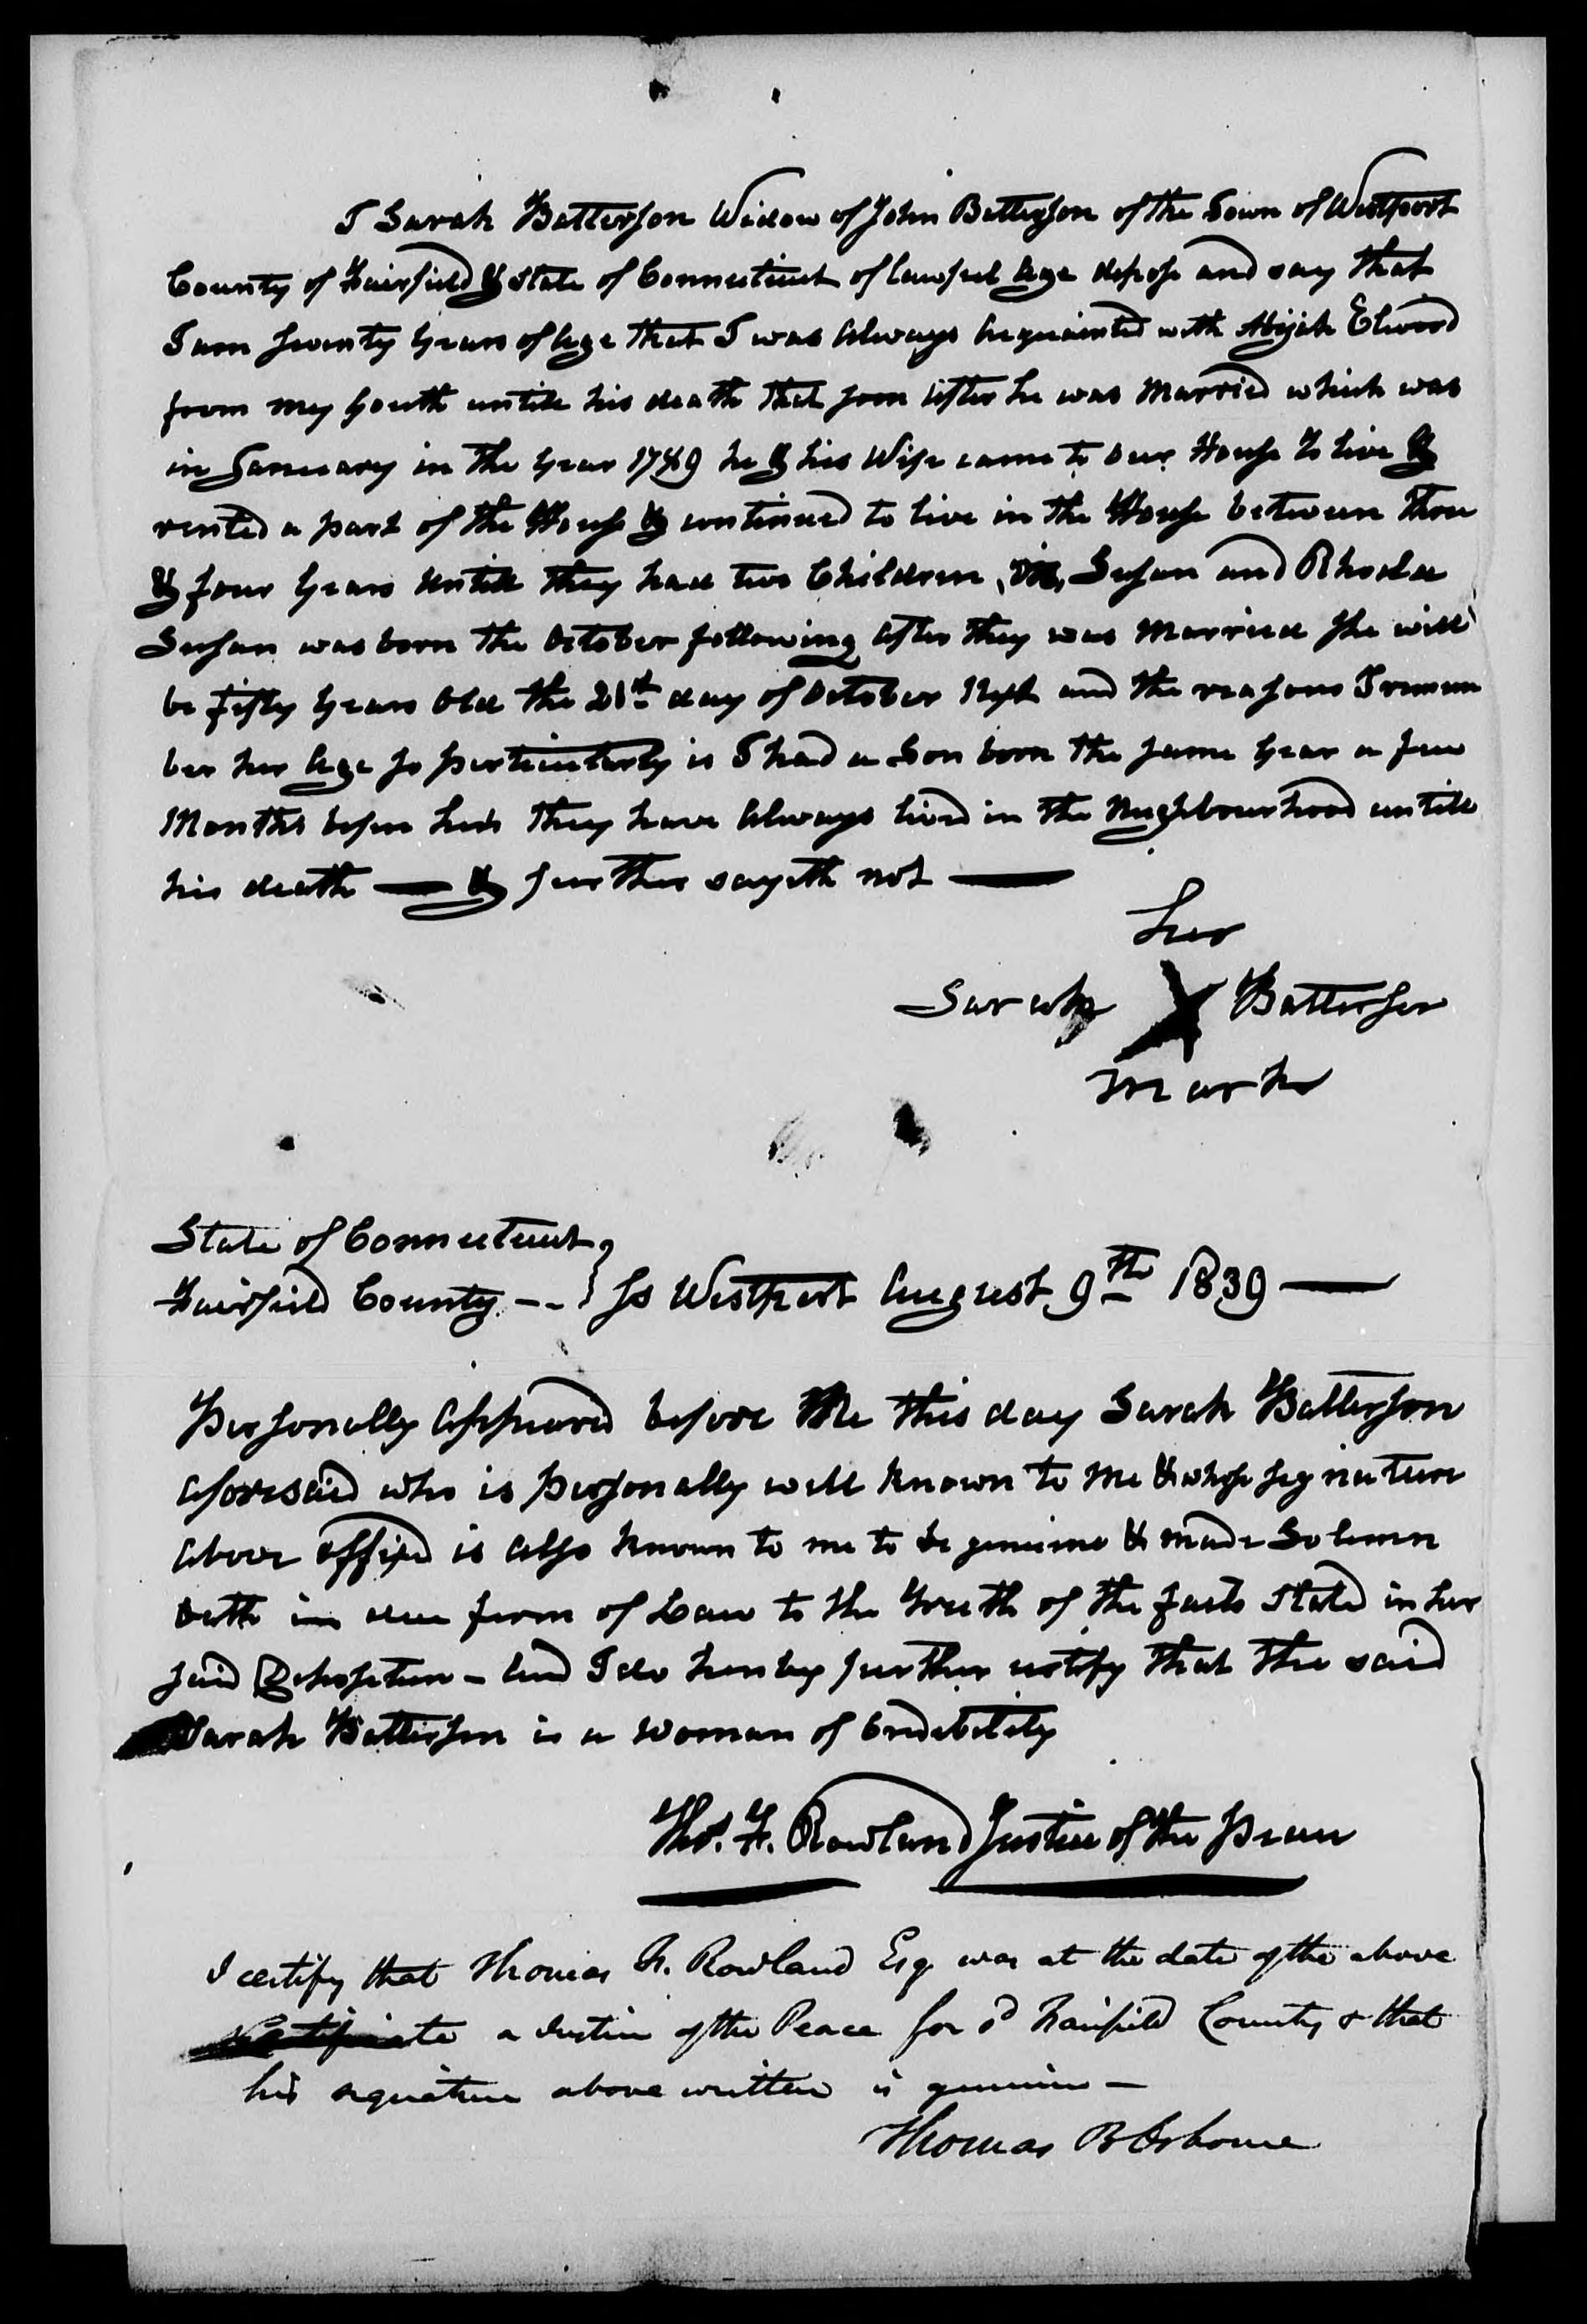I Sarah Batterson Widow of John Batterson of the town of Westfourth County of Fairfield of State of Connecticut of lawful age depose and say that I am seventy years of age and that I was always acquainted with Abijah Elwood from my []th until his death that year [] he was married which was in Sa[]ng in the year 1749 he and his wife came to our House to live and rented a part of the House and sometimed to live in the House between three and four years until they had two children, [], S[] and Rhodes. S[] was born the October following after they were married He will be Fifty years old the 21st day of October [] and the majors T[] [] her age to pertaining is [] had a son born the [] year a few months before Last they have always lived in the neighborhood until his death - [] further say[] not -
[] Sarah X Batterson
Mar[]

State of Connecticut
Fairfield County
[] Westfourth August 9th 1839

Personally appeared before me this day Sarah Batterson aforesaid who is personally well known to Mr. [] [] above affixed is [] known to me to be genuine and made Solemn Oath in due from of Law to the Truth of the facts stated in her said Deposition - and I do hereby further testify that the said Sarah Batterson is a woman of b[]itit[]y
The H. Rowland Justice of the Peace

I certify that [] H. Rowland Esq was at the date of the above Certificate (crossed out) a Justice of the Peace for [] Fairfield County and that his signature above written is genuine -
Thomas B[]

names: Thomas F Rowland, Sarah Batterson, Abijah Elwood, Rhoda, Sarah Batterson, Sarah Batterson, Thos F Rowland, John Batterson, Thomas B Osborne, Susan, Sarah Batterson, Susan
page: 15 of 69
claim: widow's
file: W. 25562, Abijah Elwood, Conn.